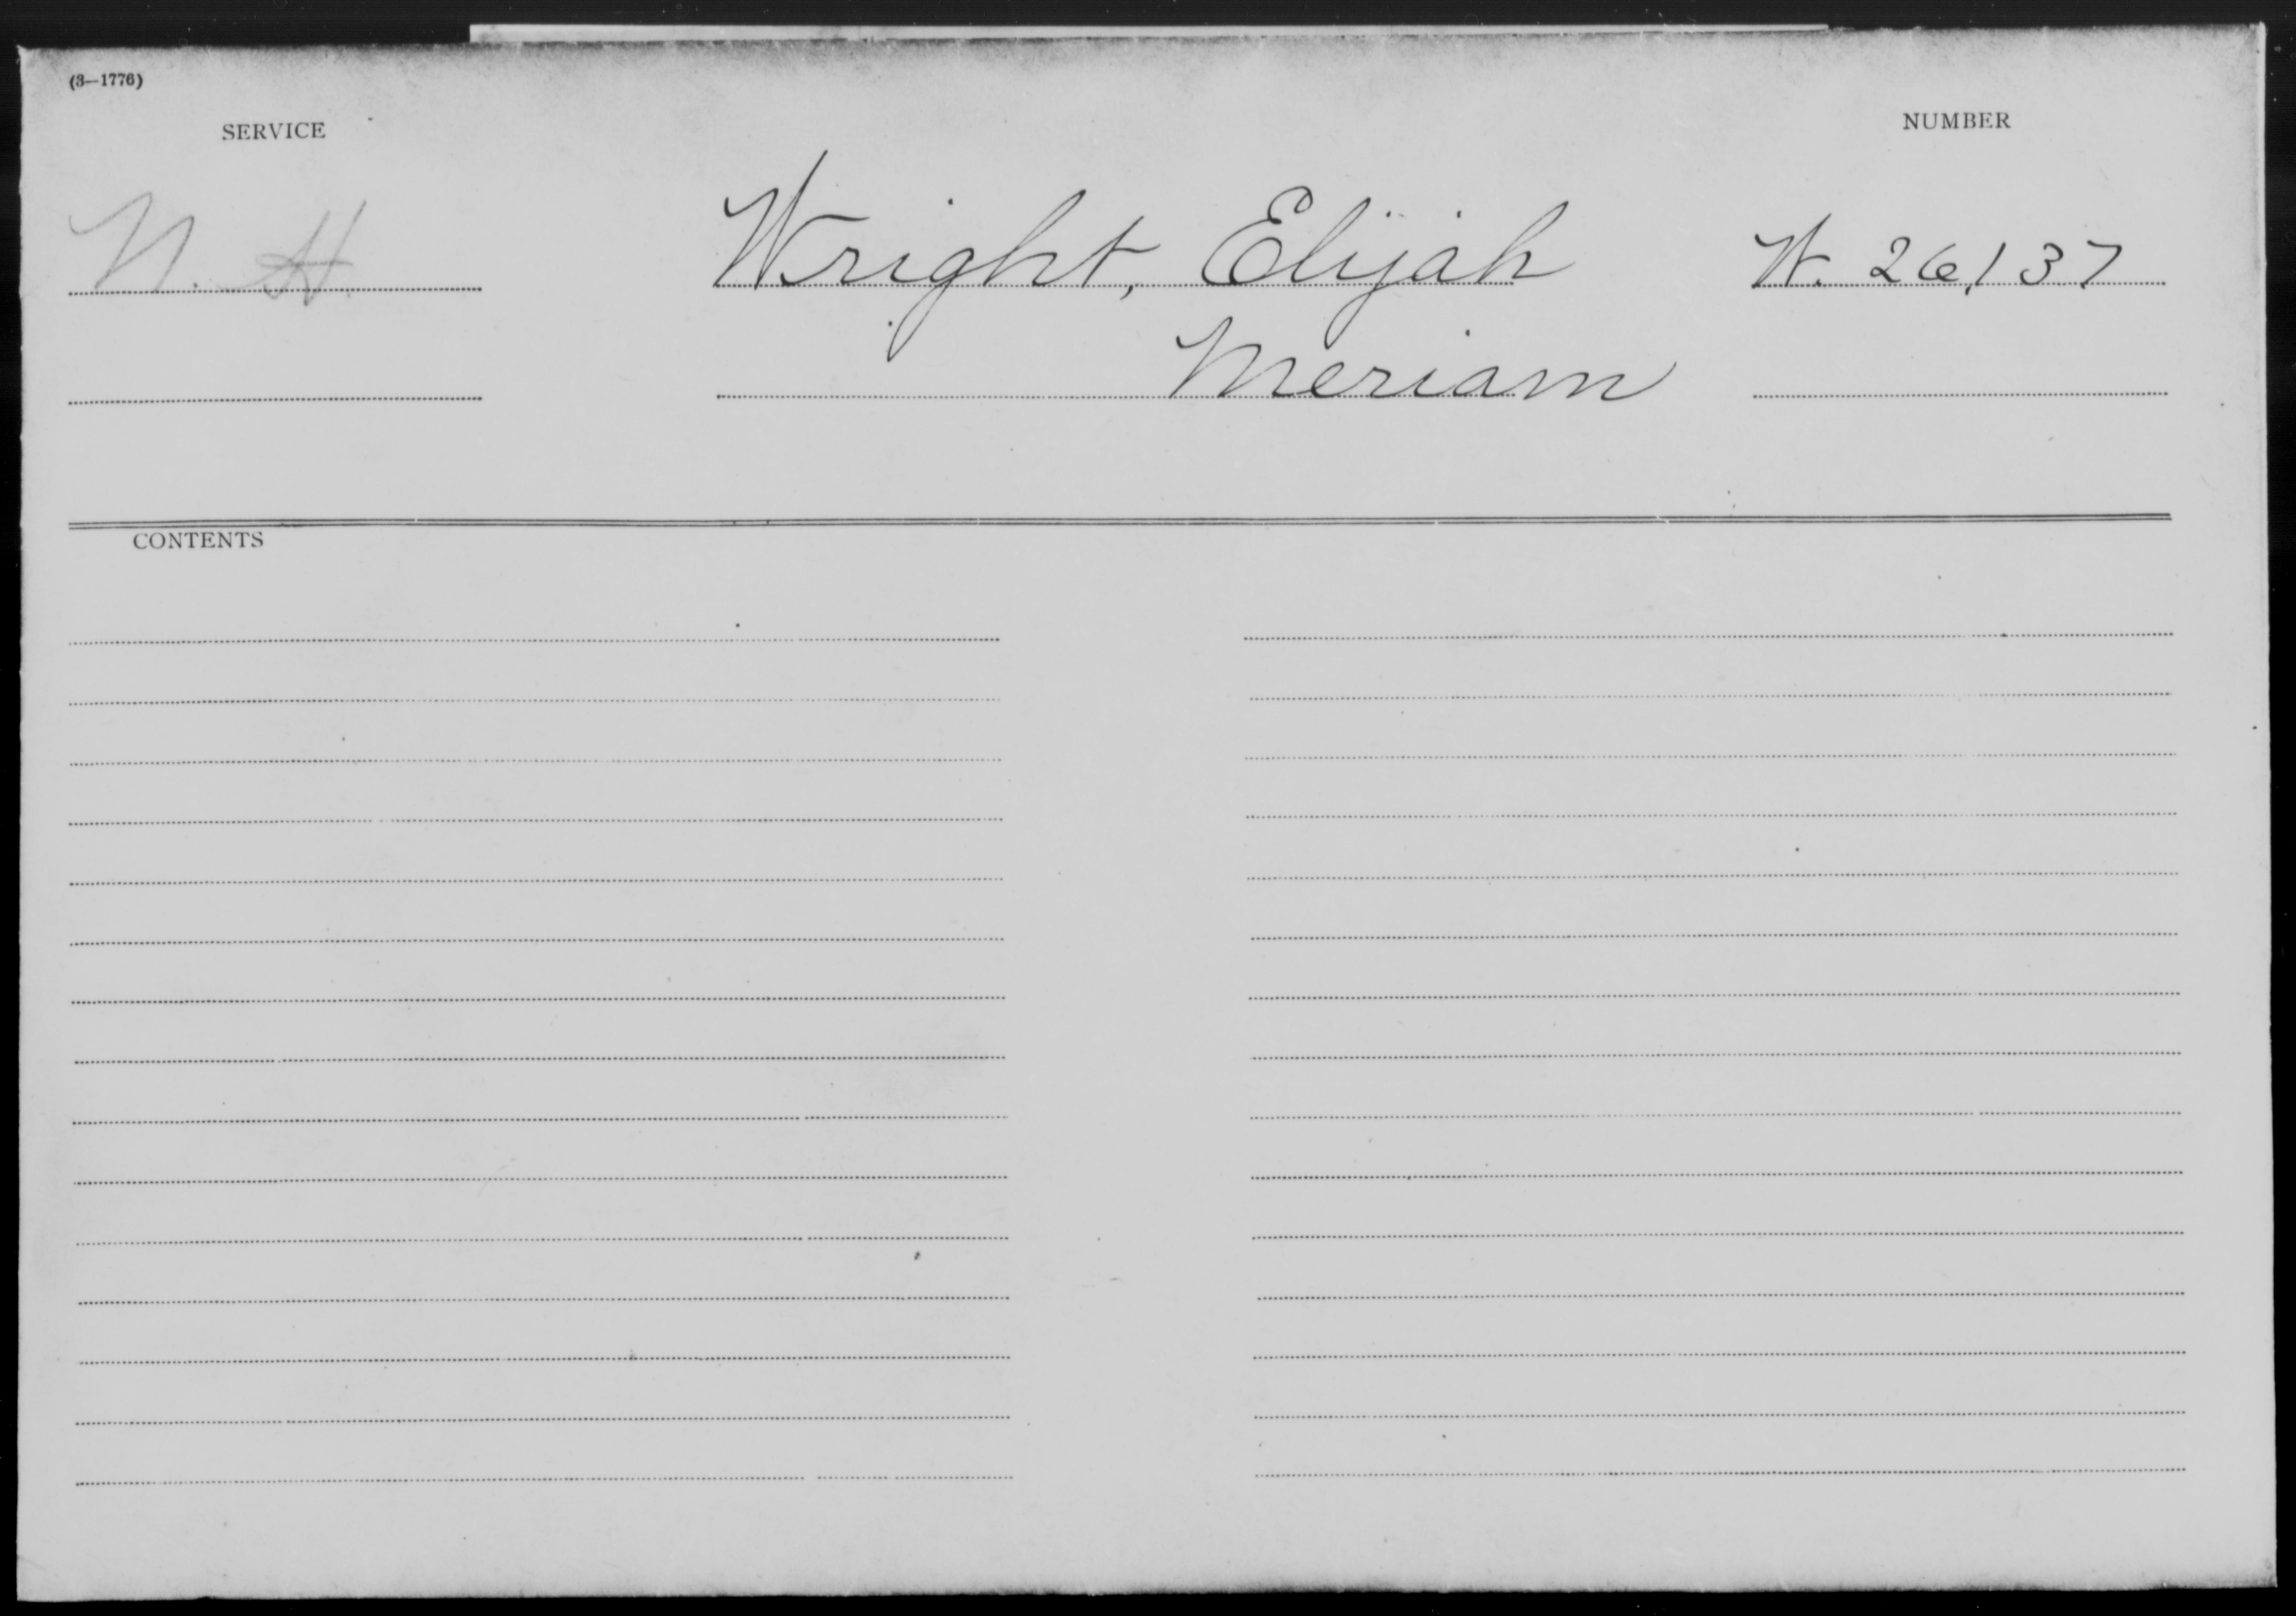(3-1776)
SERVICE
N.H.
CONTENTS
Wright, Elijah
Meriam
NUMBER
W. 26,137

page: 1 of 26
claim: widow's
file: W. 26,137, Elijah Wright, N.H.